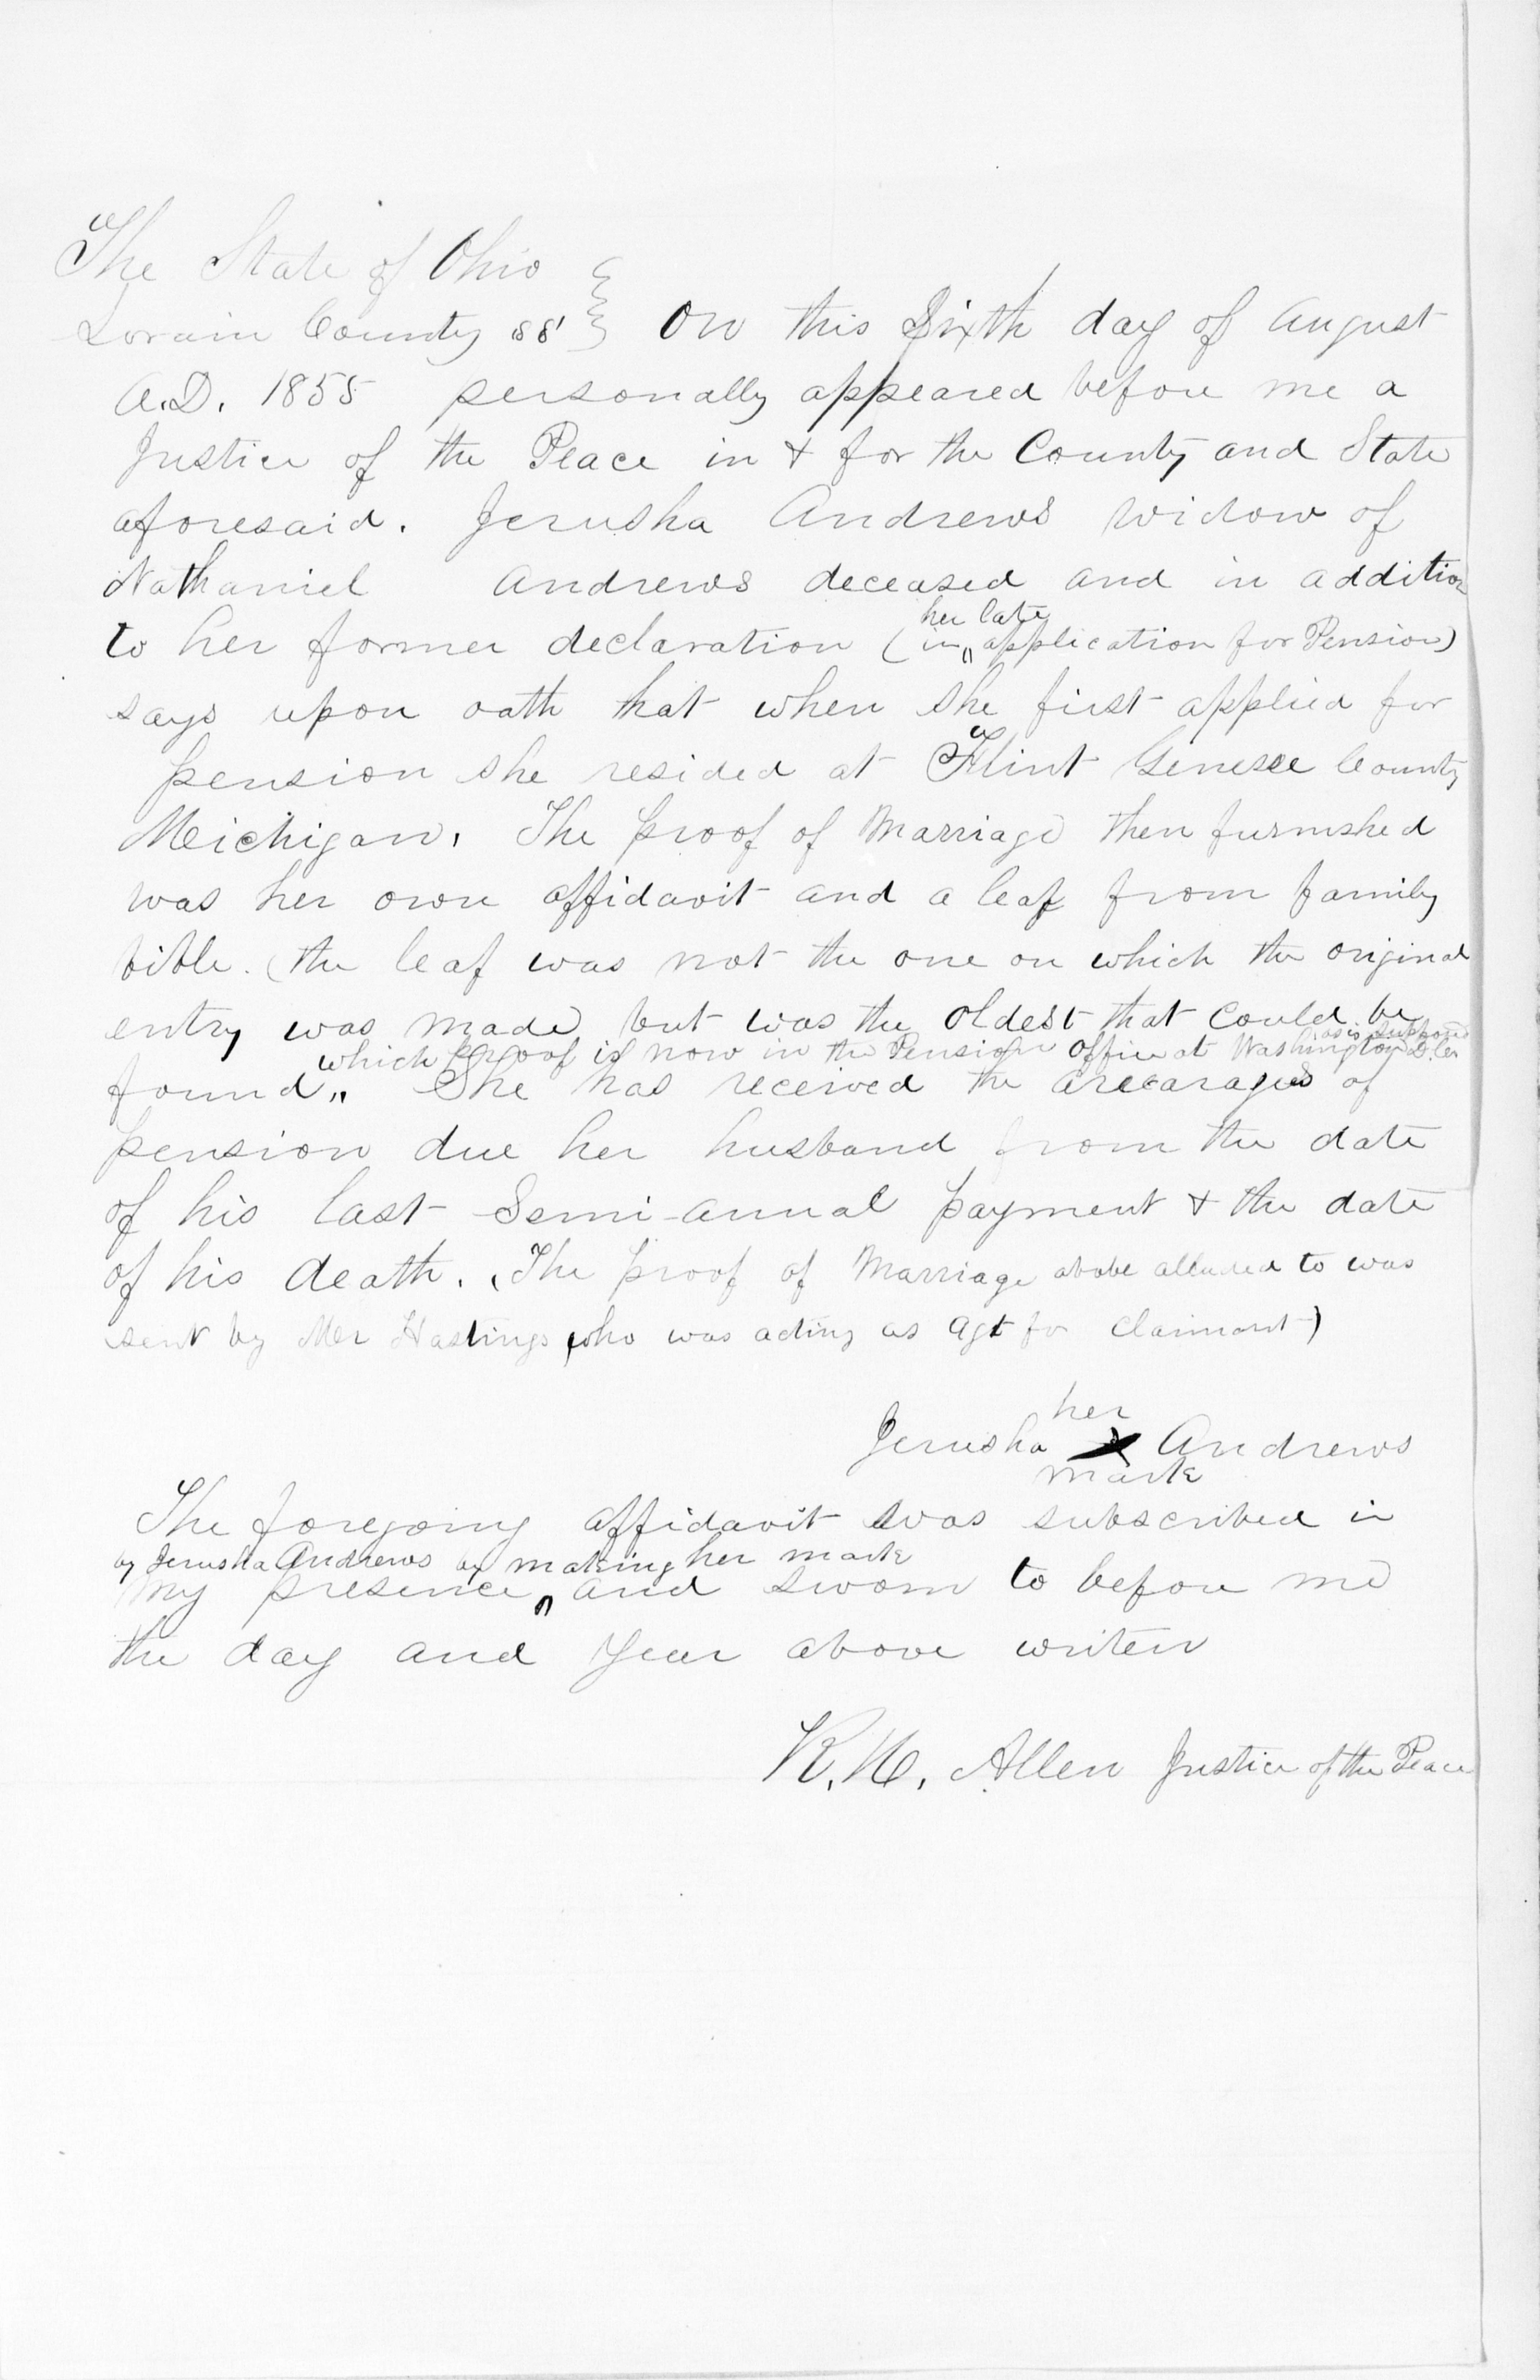The State of Ohio 
Lorain County SS  On this sixth day of August
A.D. 1855 personally appeared before me a
Justice of the Peace in & for the County and State
aforesaid, Jerusha Andrews Widow of
Nathaniel Andrews deceased and in addition
to her former declaration (in her late application for Pension)
says upon oath that when she first applied for
pension she resided at Flint Genesee County
Michigan, the proof of Marriage then furnished
was her own affidavit and a leaf from family
bible. (the leaf was not the one on which the original
entry was made, but was the oldest that could be
found which proof is now in the Pension Office at Washington D.C. She has received the arrearages of
pension due her husband from the date
of his last semi anual payment & the date
of his death. The proof of Marriage above alluded to was
sent by Mr Hastings who was acting as Agt for claimant)
Jerusha Andrews her X mark
The foregoing affidavit was subscribed in
by Jerusha Andrews of making her mark
my presence and sworn to before me
the day and year above writen
R. H. Allen Justice of the Peace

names: Jerusha Andrews, R H Allen, Jerusha Andrews, Jerusha Andrews, Nathaniel Andrews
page: 38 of 78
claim: widow's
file: W. 4117, Nathaniel Bradley, Conn.